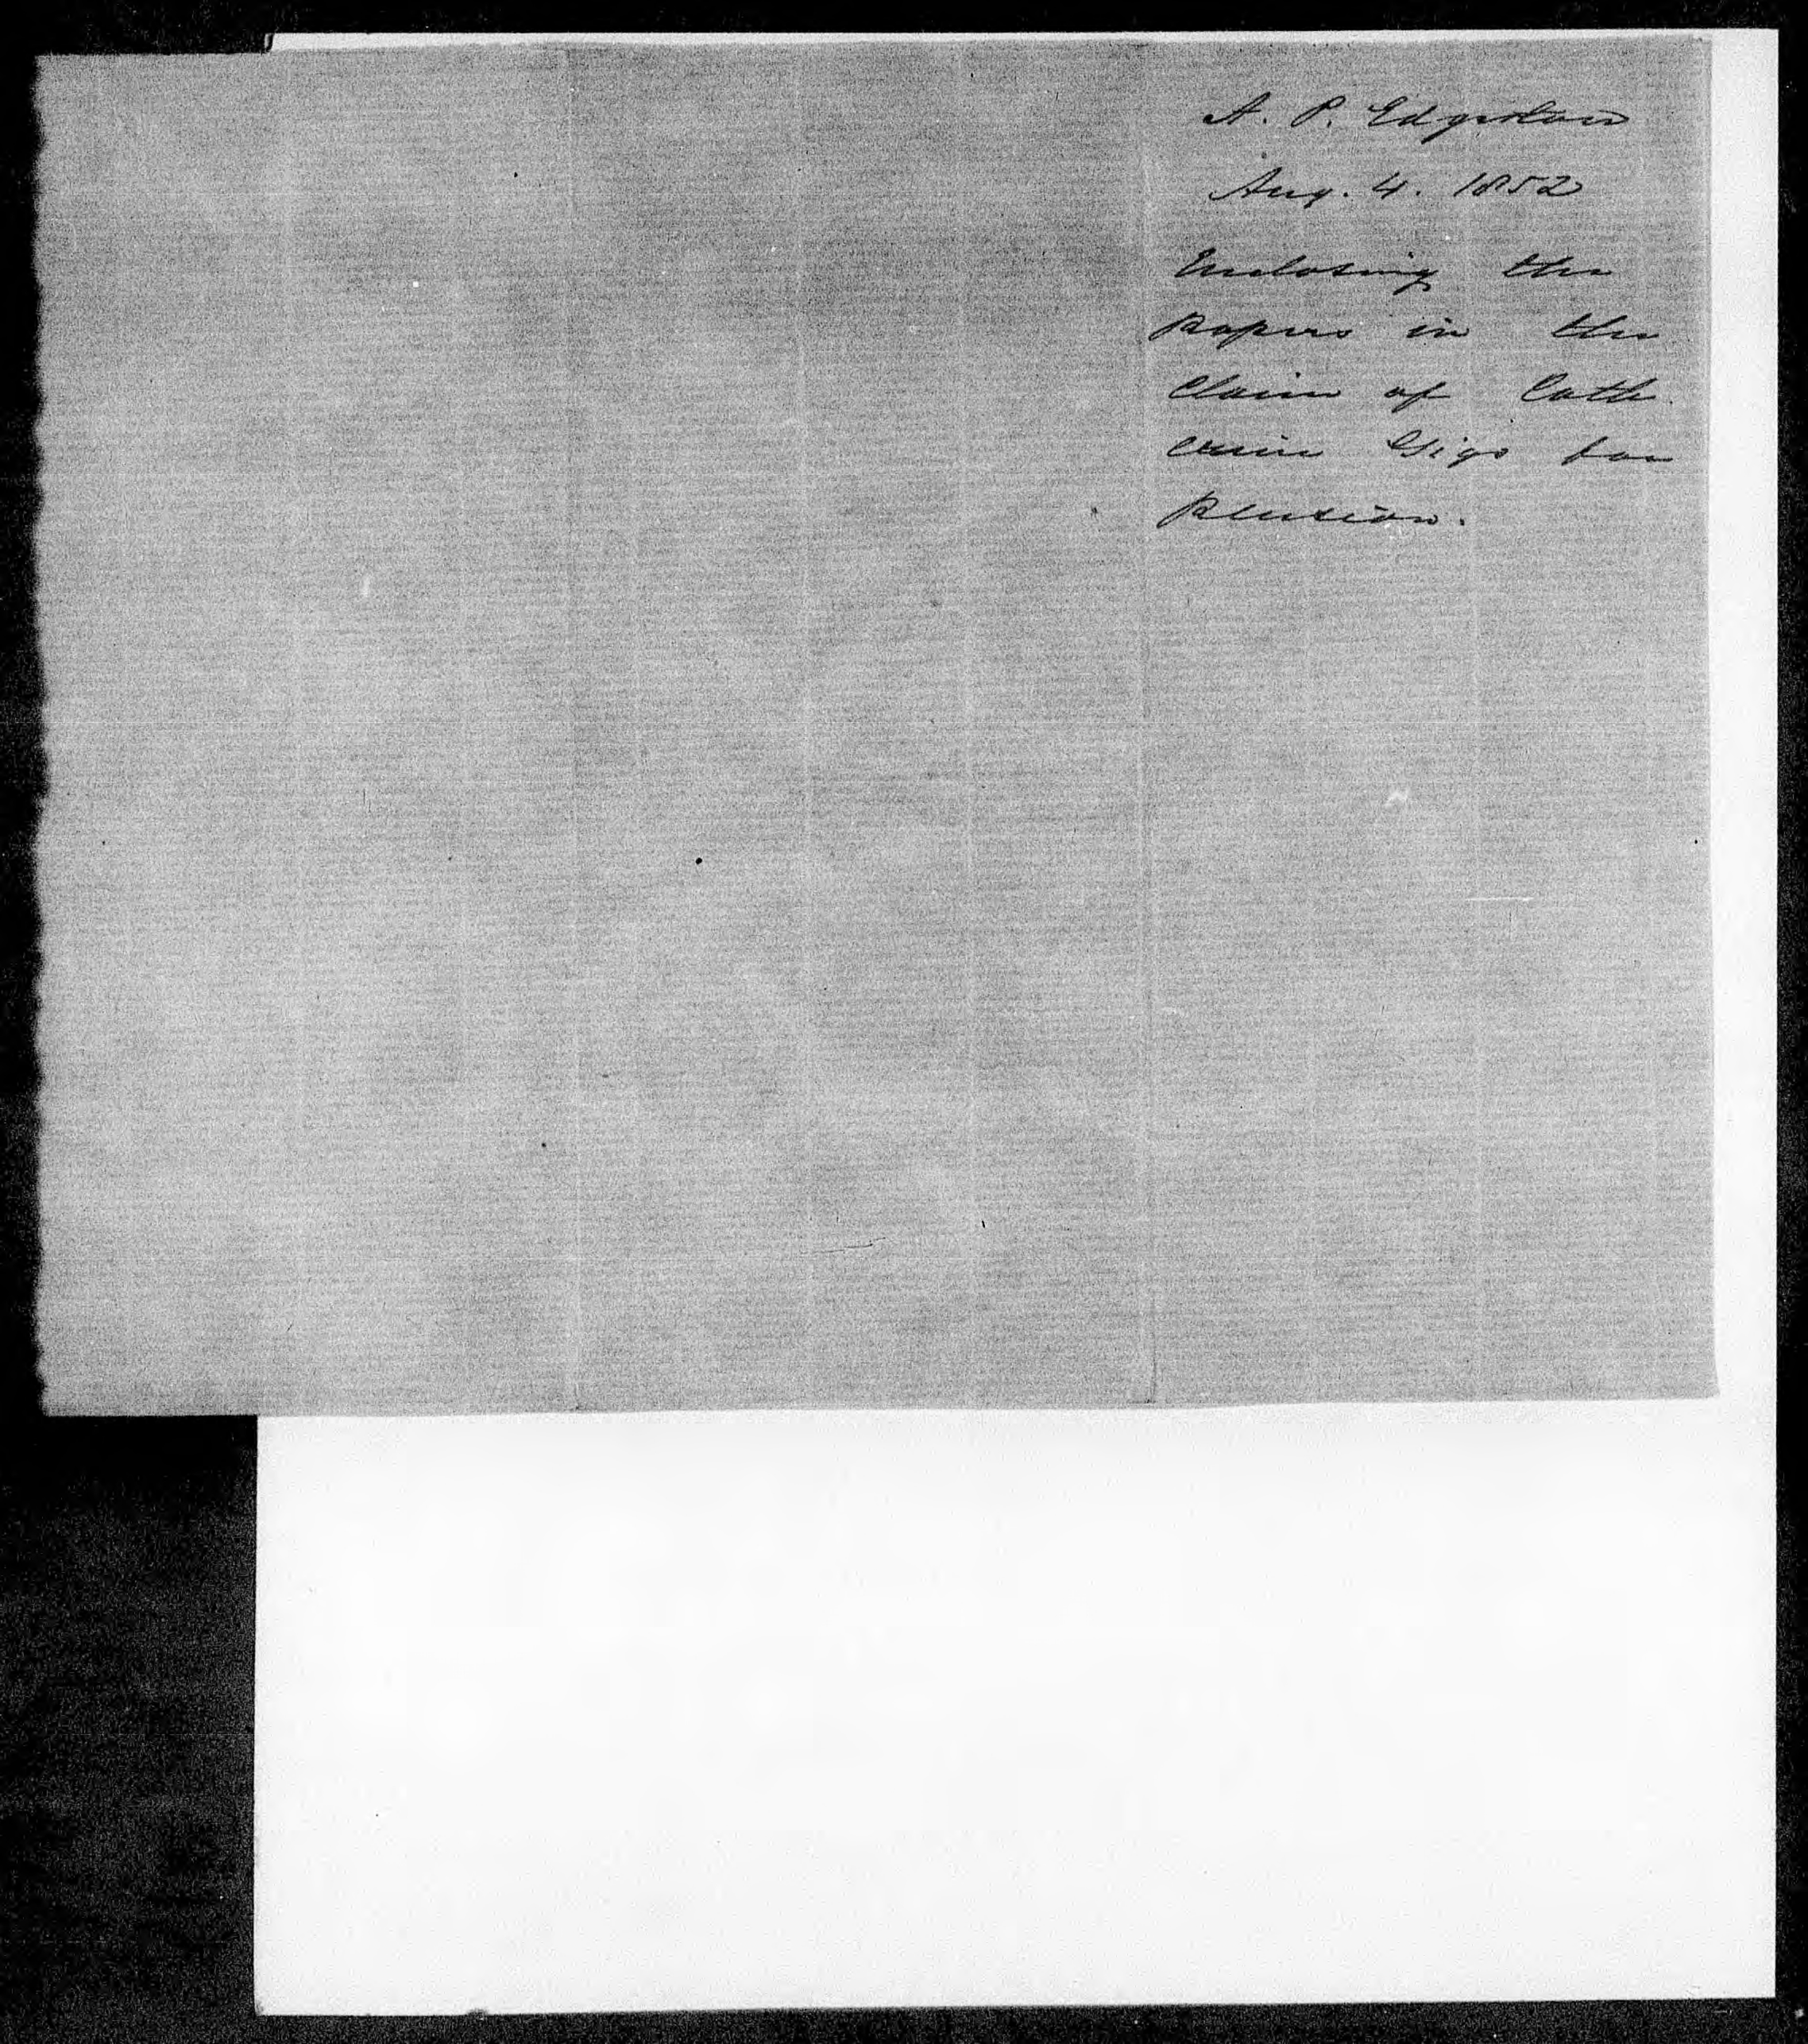A P Edgerton
Aug 4 1852
Enclosing the papers in this claim of Catherine Gigo for pension.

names: A P Edgerton, Catherine Gigo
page: 83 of 98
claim: widow's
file: W. 21182, Francis Gigo, Continental (Canadian)